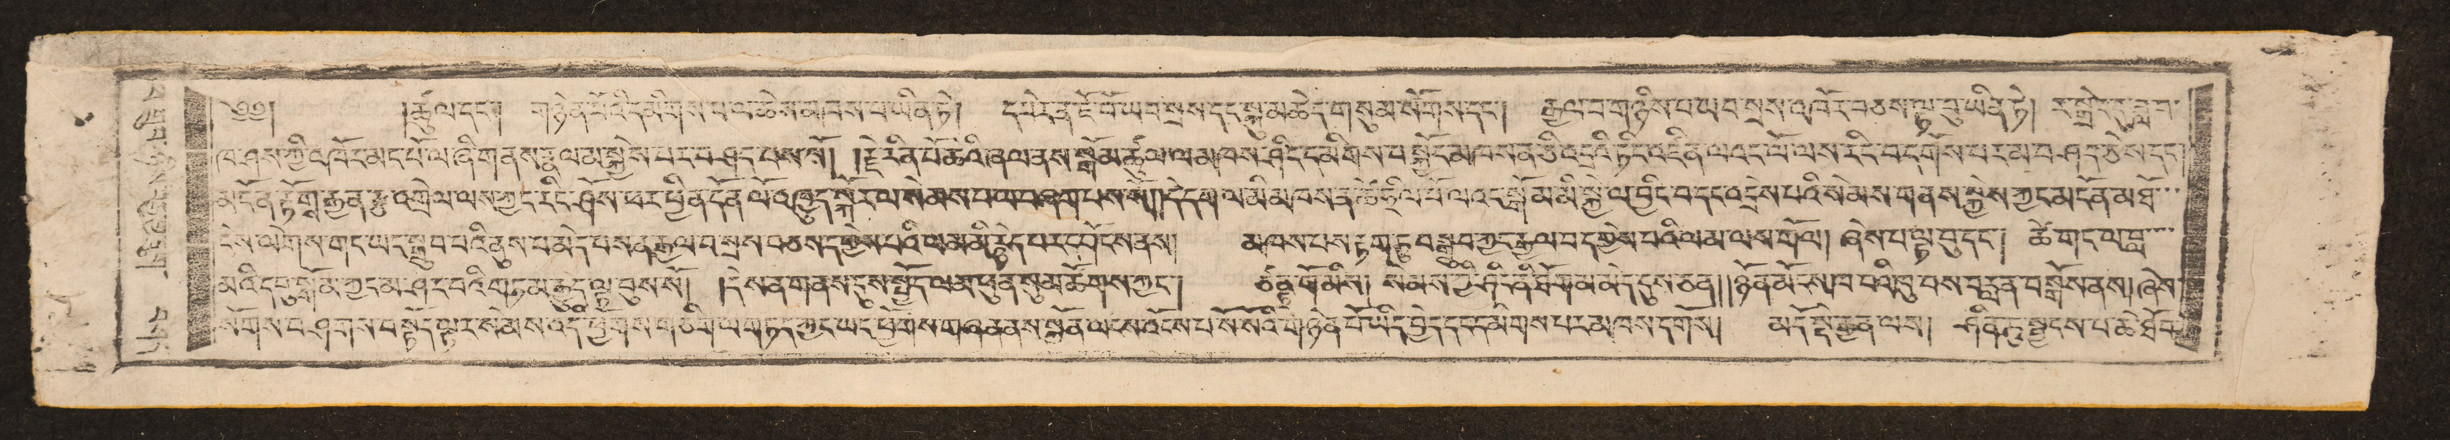༄༅། །ཚུལ་དང་། གཉེན་པོའི་དམིགས་པ་ལ་ཆེས་མཁས་པ་ཡིན་ཏེ། དཔེར་ན་ཇོ་བོ་ཡབ་སྲས་དང་སྐུ་མཆེད་གསུམ་སོགས་དང་། རྒྱལ་བ་གཉིས་པ་ཡབ་སྲས་འཁོར་བཅས་ལྟ་བུ་ཡིན་ཏེ། ར་སྒྲེང་དུ་ཟླ་བ་
ཁ་ཤས་ཀྱི་འཁོར་མང་པོ་ལ་ཞི་གནས་རྣལ་མ་སྐྱེས་པར་བཤད་པས་སོ། །རྗེ་རིན་པོ་ཆེའི་ཞལ་ནས་སྒོམ་ཚུལ་ལ་མཁས་ཤིང་དམིགས་བསྐྱོད་མཁས་ན་ཅི་འདྲའི་ཏིང་འཛིན་ལའང་ལོ་ལས་རིང་བ་དགོས་པར་མ་བཤད་ཅེས་དང་།
མངོན་རྟོགས་རྒྱན་རྩ་འགྲེལ་ལས་ཀྱང་རིང་ཤོས་ཕར་ཕྱིན་དོན་ལོ་འཁྱུད་སྐོར་ལ་སེམས་པ་ལ་བཞག་པས་སོ། །དེ་དག་ལ་མི་མཁས་ན་ཚེ་ཧྲིལ་པོ་ལའང་སྒོམ་མི་སྐྱེ་ལ་བྱིང་བ་དང་འདྲེས་པའི་སེམས་གནས་སྐྱེས་ཀྱང་མངོན་མཐོ་
ངེས་ལེགས་གང་ཡང་སྒྲུབ་པའི་ནུས་པ་མེད་པས་ན་རྒྱལ་བ་སྲས་བཅས་དགྱེས་པའི་ལམ་མི་རྙེད་པར་དགོངས་ནས། མཁས་པས་རྟག་ཏུ་བསྒྲུབ་ཀྱང་རྒྱལ་བ་དགྱེས་པའི་ལམ་ལས་གོལ། ཞེས་པ་ལྟ་བུ་དང་། ཚེ་གང་ལ་བླ་
མའི་དབུ་སྒོམ་ཀྱང་མ་ཤར་བའི་གཏམ་རྒྱུད་ལྟ་བུས་སོ། །དེས་ན་གནས་དུས་སྤྱོད་ལམ་ཕུན་སུམ་ཚོགས་ཀྱང་། ཙནྟྲ་གོ་མིས། སེམས་ཀྱི་ཤིང་ནི་ཐོག་མ་མེད་དུས་ཅན། །ཉོན་མོངས་ཁ་བའི་ཁུ་བས་བརླན་བསྒོས་ནས། ཞེས་
སོགས་བཤགས་བསྟོད་ལྟར་སེམས་འདི་ཕྱོགས་གཅིག་ལ་གཏད་ཀྱང་ཡང་ཕྱོགས་གཞན་ནས་སྐྱོན་ལངས་འོངས་པ་སོ་སོའི་གཉེན་པོ་ཡིད་བྱེད་དང་དམིགས་པར་མཁས་དགོས། མདོ་སྡེ་རྒྱན་ལས། ཤིན་ཏུ་སྦྱངས་པ་ཆེ་ཐོབ་